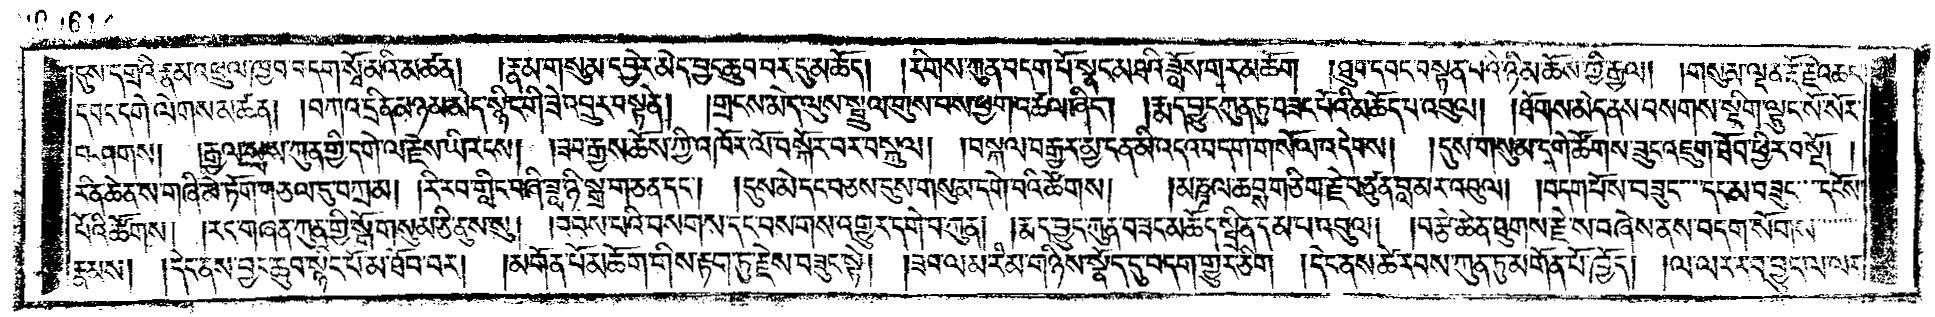དུས་དགྲའི་རྣམ་འཕྲུལ་ཁྱབ་བདག་སྭོ་མའི་མཚན། །རྣམ་གསུམ་དབྱེར་མེད་བྱང་ཆུབ་བར་དུ་མཆོད། །རིགས་ཀུན་བདག་པོ་སྣང་མཐའི་ཟློས་གར་མཆོག །ཐུབ་དབང་བསྟན་པའི་ཉི་མ་ཆོས་ཀྱི་རྒྱལ། །གསུམ་ལྡན་རྡོ་རྗེ་འཆང་
དབང་དགེ་ལེགས་མཚན། །བཀའ་དྲིན་མཉམ་མེད་སྙིང་གི་ཟེ་འབྲུར་བསྟེན། །གྲངས་མེད་ལུས་སྤྲུལ་གུས་པས་ཕྱག་འཚལ་ཞིང་། །རྨད་བྱུང་ཀུན་ཏུ་བཟང་པོའི་མཆོད་པ་འབུལ། །ཐོགས་མེད་ནས་བསགས་སྡིག་ལྟུང་སོ་སོར་
བཤགས། །རྒྱལ་སྲས་ཀུན་གྱི་དགེ་ལ་རྗེས་ཡི་རངས། །ཟབ་རྒྱས་ཆོས་ཀྱི་འཁོར་ལོ་བསྐོར་བར་བསྐུལ། །བསྐལ་བརྒྱར་མྱ་ངན་མི་འདའ་བདག་གསོལ་འདེབས། །དུས་གསུམ་དགེ་ཚོགས་ཟུང་འཇུག་ཐོབ་ཕྱིར་བསྔོ། །
རིན་ཆེན་ས་གཞི་མེ་ཏོག་གཅལ་དུ་བཀྲམ། །རི་རབ་གླིང་བཞི་ཟླ་ཉི་སྒྲ་གཅན་དང་། །དུས་མེ་དང་བཅས་དུས་གསུམ་དགེ་བའི་ཚོགས། །མཎྜལ་ཆབས་གཅིག་རྗེ་བཙུན་བླ་མར་འབུལ། །བདག་པོས་བཟུང་དང་མ་བཟུང་དངོས་
པོའི་ཚོགས། །རང་གཞན་ཀུན་གྱི་སྒོ་གསུམ་ཅི་ནུས་སུ། །བབས་པའི་བསགས་དང་བསགས་འགྱུར་དགེ་བ་ཀུན། །རྨད་བྱུང་ཀུན་བཟང་མཆོད་སྤྲིན་དམ་པ་འབུལ། །བརྩེ་ཆེན་ཐུགས་རྗེས་བཞེས་ནས་བདག་སོགས་
རྣམས། །དེང་ནས་བྱང་ཆུབ་སྙིང་པོ་མ་ཐོབ་བར། །མགོན་པོ་མཆོག་གིས་རྟག་ཏུ་རྗེས་བཟུང་སྟེ། །ཟབ་ལམ་རིམ་གཉིས་སྣོད་དུ་བདག་གྱུར་ཅིག །དེང་ནས་ཚེ་རབས་ཀུན་ཏུ་མགོན་པོ་ཁྱོད། །ལ་ལར་རབ་བྱུང་ལ་ལར་